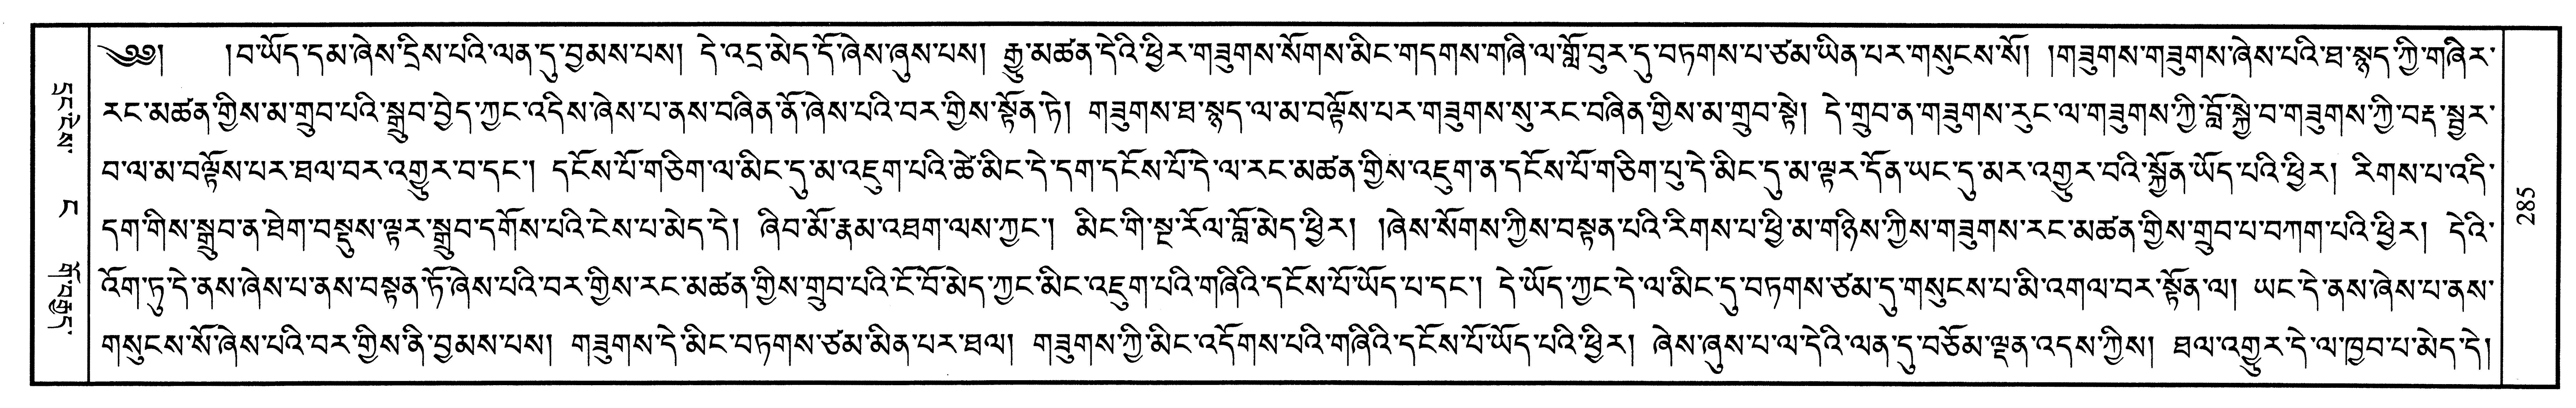༄༅། །བ་ཡོད་དམ་ཞེས་དྲིས་པའི་ལན་དུ་བྱམས་པས། དེ་འདྲ་མེད་དོ་ཞེས་ཞུས་པས། རྒྱུ་མཚན་དེའི་ཕྱིར་གཟུགས་སོགས་མིང་གདགས་གཞི་ལ་གློ་བུར་དུ་བཏགས་པ་ཙམ་ཡིན་པར་གསུངས་སོ། །གཟུགས་གཟུགས་ཞེས་པའི་ཐ་སྙད་ཀྱི་གཞིར་
རང་མཚན་གྱིས་མ་གྲུབ་པའི་སྒྲུབ་བྱེད་ཀྱང་འདིས་ཞེས་པ་ནས་བཞིན་ནོ་ཞེས་པའི་བར་གྱིས་སྟོན་ཏེ། གཟུགས་ཐ་སྙད་ལ་མ་བལྟོས་པར་གཟུགས་སུ་རང་བཞིན་གྱིས་མ་གྲུབ་སྟེ། དེ་གྲུབ་ན་གཟུགས་རུང་ལ་གཟུགས་ཀྱི་བློ་སྐྱེ་བ་གཟུགས་ཀྱི་བརྡ་སྦྱར་
བ་ལ་མ་བལྟོས་པར་ཐལ་བར་འགྱུར་བ་དང་། དངོས་པོ་གཅིག་ལ་མིང་དུ་མ་འཇུག་པའི་ཚེ་མིང་དེ་དག་དངོས་པོ་དེ་ལ་རང་མཚན་གྱིས་འཇུག་ན་དངོས་པོ་གཅིག་པུ་དེ་མིང་དུ་མ་ལྟར་དོན་ཡང་དུ་མར་འགྱུར་བའི་སྐྱོན་ཡོད་པའི་ཕྱིར། རིགས་པ་འདི་
དག་གིས་སྒྲུབ་ན་ཐེག་བསྡུས་ལྟར་སྒྲུབ་དགོས་པའི་ངེས་པ་མེད་དེ། ཞིབ་མོ་རྣམ་འཐག་ལས་ཀྱང་། མིང་གི་སྔ་རོལ་བློ་མེད་ཕྱིར། །ཞེས་སོགས་ཀྱིས་བསྟན་པའི་རིགས་པ་ཕྱི་མ་གཉིས་ཀྱིས་གཟུགས་རང་མཚན་གྱིས་གྲུབ་པ་བཀག་པའི་ཕྱིར། དེའི་
འོག་ཏུ་དེ་ནས་ཞེས་པ་ནས་བསྟན་ཏོ་ཞེས་པའི་བར་གྱིས་རང་མཚན་གྱིས་གྲུབ་པའི་ངོ་བོ་མེད་ཀྱང་མིང་འཇུག་པའི་གཞིའི་དངོས་པོ་ཡོད་པ་དང་། དེ་ཡོད་ཀྱང་དེ་ལ་མིང་དུ་བཏགས་ཙམ་དུ་གསུངས་པ་མི་འགལ་བར་སྟོན་ལ། ཡང་དེ་ནས་ཞེས་པ་ནས་
གསུངས་སོ་ཞེས་པའི་བར་གྱིས་ནི་བྱམས་པས། གཟུགས་དེ་མིང་བཏགས་ཙམ་མིན་པར་ཐལ། གཟུགས་ཀྱི་མིང་འདོགས་པའི་གཞིའི་དངོས་པོ་ཡོད་པའི་ཕྱིར། ཞེས་ཞུས་པ་ལ་དེའི་ལན་དུ་བཅོམ་ལྡན་འདས་ཀྱིས། ཐལ་འགྱུར་དེ་ལ་ཁྱབ་པ་མེད་དེ།